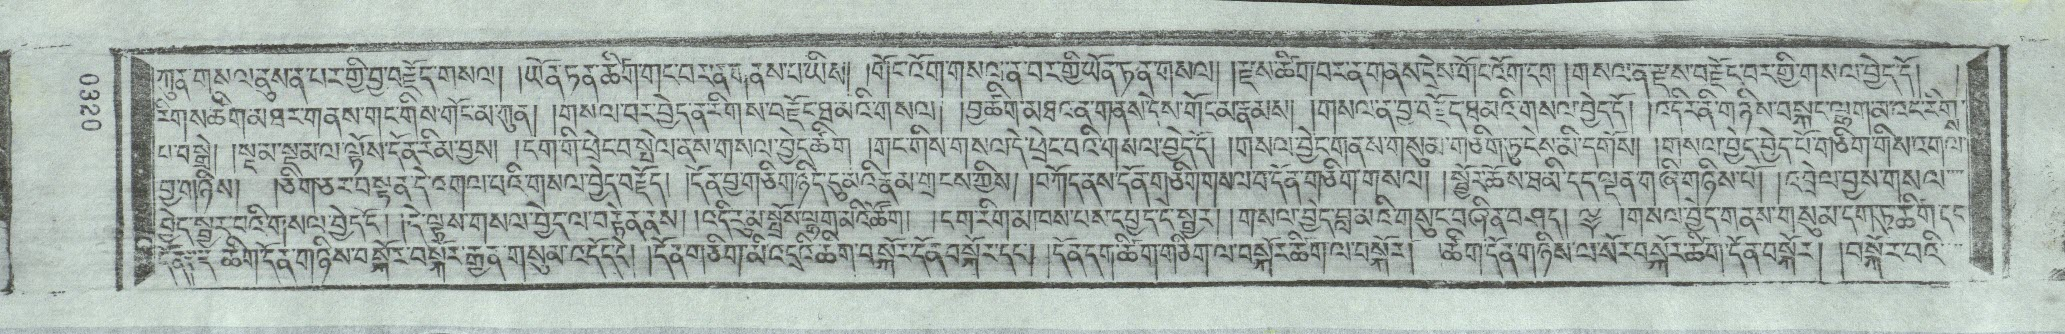ཀུན་གསལ་ནུས་ན་བར་གྱི་བྱ་བརྗོད་གསལ། །ཡོན་ཏན་ཚིག་གང་བར་ན་གནས་པ་ཡིས། །གོང་འོག་གསལ་ན་བར་གྱི་ཡོན་ཏན་གསལ། །རྫས་ཚིག་བར་ན་གནས་དེས་གོང་འོག་ངག། །གསལ་ན་རྫས་བརྗོད་བར་གྱི་གསལ་བྱེད་དོ། །
རིགས་ཚིག་མཐར་གནས་གང་གིས་གོང་མ་ཀུན། །གསལ་བར་བྱེད་ན་རིགས་བརྗོད་ཐ་མའི་གསལ། །བྱ་ཚིག་མཐའ་ན་གནས་དེས་གོང་མ་རྣམས། །གསལ་ན་བྱ་བརྗོད་ཐ་མའི་གསལ་བྱེད་དོ། །འདིར་ནི་གཉིས་བསྐད་ལྷག་མ་འང་རིགས་
བ་བསྒྲེ། སྔ་མ་སྔ་མལ་ལྷོས་དོན་རིམ་བྱས། །ངག་གི་ཕྲེང་བ་སྤེལ་ནས་གསལ་བྱེད་ཚིག །གང་གིས་གསལ་དེ་ཕྲེང་བའི་གསལ་བྱེད་དོ། །གསལ་བྱེད་གནས་གསུམ་གཅིག་ཏུ་ངེས་མི་དགོས། །གསལ་བྱེད་བྱེད་པོ་གཅིག་གི་འགལ་
བྱ་གཉིས། །ཅིག་ཅར་བསྟན་དེ་འགལ་བའི་གསལ་བྱེད་བརྗོད། །དོན་བྱ་གཅིག་གཉིས་སུ་མའི་རྣམ་གྲངས་ཀྱིས། །བཀོད་ནས་དོན་གཅིག་གསལ་བ་དོན་གཅིག་གསལ། །སྦྱོར་ཆོས་ཐ་མི་དད་ལྡན་གཞི་གཉིས་པོ། །འབྲེལ་བྱས་གསལ་
བྱེད་སྦྱར་བའི་གསལ་བྱེད་དོ། །དེ་ལྟས་གསལ་བྱེད་ལ་བརྟེན་ནས། །འདིར་རུམ་སྤྲོས་ལྷག་མའི་ཚོག །ངག་རིག་མཁས་པས་དཔྱད་དེ་སྦྱར། །གསལ་བྱེད་བླ་མའི་གསུང་བཞིན་བཤད། ༈ །གསལ་བྱེད་གནས་གསུམ་དག་ཏུ་དེ?་དང་
དོན། ཚིག་དོན་གཉིས་བསྐོར་བསྐོར་རྒྱན་གསུམ་འདོད་དེ། །དོན་གཅིག་མི་འདྲའི་ཚིག་བསྐོར་དོན་བསྐོར་དང་། །དོན་དག་ཚིག་གཅིག་ལ་བསྐོར་ཚིག་ལ་བསྐོར། །ཚིག་དོན་གཉིས་པ་སོར་བསྐོར་ཚིག་དོན་བསྐོར། བསྐོར་བ་